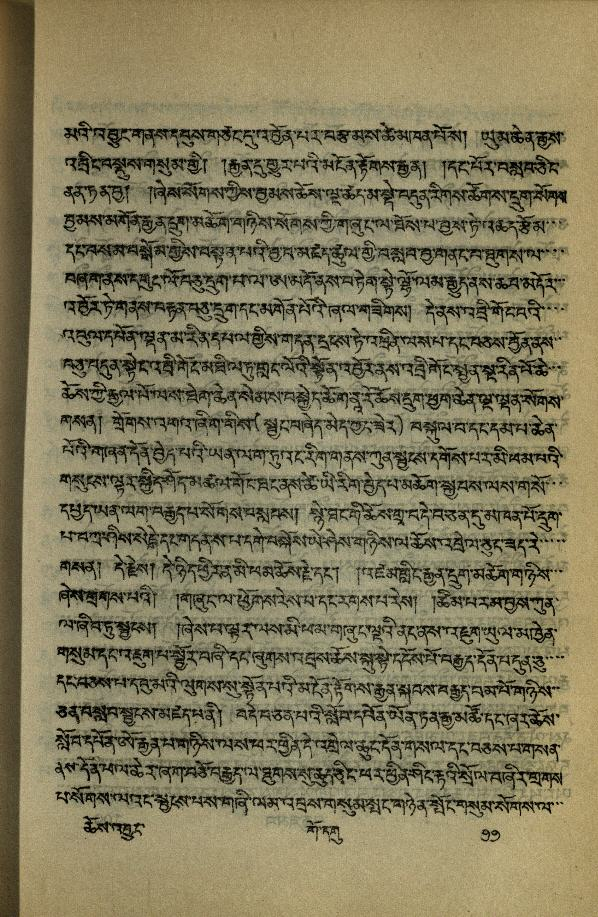མའི་འབྱུང་གནས་དབུས་གཙང་དུ་འབྱོན་པར་བརྩམས་ཚེ་མཁན་པོས། ཡུམ་ཆེན་རྒྱས་
འབྲིང་བསྡུས་གསུམ་གྱི། །རྒྱན་དུ་གྱུར་པའི་མངོན་རྟོགས་རྒྱན། །དང་པོར་བསླབ་ཅིང་
ནན་ཏན་བྱ། །ཞེས་སོགས་ཀྱིས་བྱམས་ཆོས་ལྔ་ཚད་མ་སྡེ་བདུན་རིགས་ཚོགས་དྲུག་སོགས་
བྱམས་མགོན་རྒྱན་དྲུག་མཆོག་གཉིས་སོགས་ཀྱི་གཞུང་ལ་ཐོས་པ་བྱས་ཏེ་འཆད་རྩོམ་
དང་བསམ་བསྒོམ་གྱིས་བསྟན་པའི་བྱ་བ་མཛད་ཚུལ་གྱི་བསླབ་བྱ་གནང་བ་ཐུགས་ལ་
བཞག་ནས་དགུང་ལོ་བཅུ་དྲུག་པ་ལ་ཨ་མདོ་ནས་བཏེག་སྟེ་ལྷོ་ལམ་རྒྱུད་ནས་ཆབ་མདོར་
འབྱོར་ཏེ་གནས་བརྟན་བཅུ་དྲུག་དང་མགོན་པོའི་ཞལ་གཟིགས། དེ་ནས་འབྲི་གོང་བའི་
འབུལ་དཔོན་ལྡན་མ་རིན་དཔལ་གྱིས་གདན་དྲངས་ཏེ་འཕྲིན་ལས་པ་དང་བཅས་བྱོན་ནས་
བཅུ་བདུན་སྟེང་འབྲི་གོང་མཐིལ་ཏུ་གླང་ལོའི་སྟོན་འབྱོར་ནས་འབྲི་གོང་སྤྱན་སྔ་རིན་པོ་ཆེ་
ཆོས་ཀྱི་རྒྱལ་པོ་ལས་ཐེག་ཆེན་སེམས་བསྐྱེད་ཆོ་ག་ནཱ་རོ་ཆོས་དྲུག་ཕྱག་ཆེན་ལྔ་ལྡན་སོགས་
གསན། གྲོགས་འགའ་ཞིག་གིས་སྦྱང་བཞེད་མེད་ཀྱང་ཟེར་བསྐུལ་བ་དང་དམ་པ་ཆེན་
པོའི་གཞན་དོན་བྱེད་པའི་ཡན་ལག་ཏུའང་རིག་གནས་ཀུན་སྦྱངས་དགོས་པར་མི་ཕམ་པའི་
གསུངས་ལྟར་སྐྱིད་ཤོད་མཚལ་གོང་ཐང་ནས་ཚེ་ཡི་རིག་སྦྱེད་པ་མཆོག་སྐྱབས་ལས་གསོ་
དཔྱད་ཡན་ལག་བརྒྱད་པ་སོགས་བསླབས། སྙེ་ཐང་གི་ཆོས་གྲྭ་བདེ་བ་ཅན་དུ་མཁན་པོ་དྲུག་
པ་བཀྲ་ཤིས་སེངྒེ་དང་གདན་ས་པ་དགེ་བསྐོས་ཡེ་ཤེས་གཉིས་ལ་ཆོས་འབྲེལ་ཅུང་ཟད་རེ་
གསན། དེ་རྗེས། དེ་ཉིད་ཕྱིར་ན་མི་ཕམ་ཆོས་རྗེ་དང་། །འཛམ་གླིང་རྒྱན་དྲུག་མཆོག་གཉིས་
ཞེས་གྲགས་པའི། །གཞུང་ལ་ཕྱོགས་རེས་པ་དང་རགས་པ་རེས། །ཚིམ་པར་མ་བྱས་ཀུན་
ལ་ཞིབ་ཏུ་སྦྱངས། །ཞེས་བ་ལྟར་ལས་མི་ཕམ་གཞུང་ལྔའི་ནང་ནས་འཇུག་ཡུལ་མཁྱེན་
གསུམ་དང་འཇུག་པ་སྦྱོར་བཞི་དང་ཞུགས་འབྲས་ཆོས་སྐུ་སྟེ་དངོས་པོ་བརྒྱད་དོན་པ་བདུན་ཅུ་
དང་བཅས་པ་དབུ་མའི་ལུགས་སུ་སྟོན་པའི་མངོན་རྟོགས་རྒྱན་སྐབས་བརྒྱད་བམ་པོ་གཉིས་
ཅན་བསླབ་སྦྱངས་མཛད་པ་ནི། བདེ་བ་ཅན་པའི་སློབ་དཔོན་ཡོན་ཏན་རྒྱ་མཚོ་དང་ཞར་ཆོས་
སློབ་དཔོན་ཨོ་རྒྱན་པ་གཉིས་ལས་ཕར་ཕྱིན་དེ་འགྲེལ་ཆུང་དོན་གསལ་དང་བཅས་པ་གསན་
ནས་དོན་ཕལ་ཆེར་ཞག་བཅོ་བརྒྱད་ལ་ཐུགས་སུ་ཆུད་ཅིང་ཕར་ཕྱིན་ཤིང་རྟའི་སྲོལ་བཞིར་གྲགས་
པ་སོགས་ལའང་སྦྱངས་པས་གཞི་ལམ་འབྲས་གསུམ་སྤང་གཉེན་སྤོང་གསུམ་སོགས་ལ་